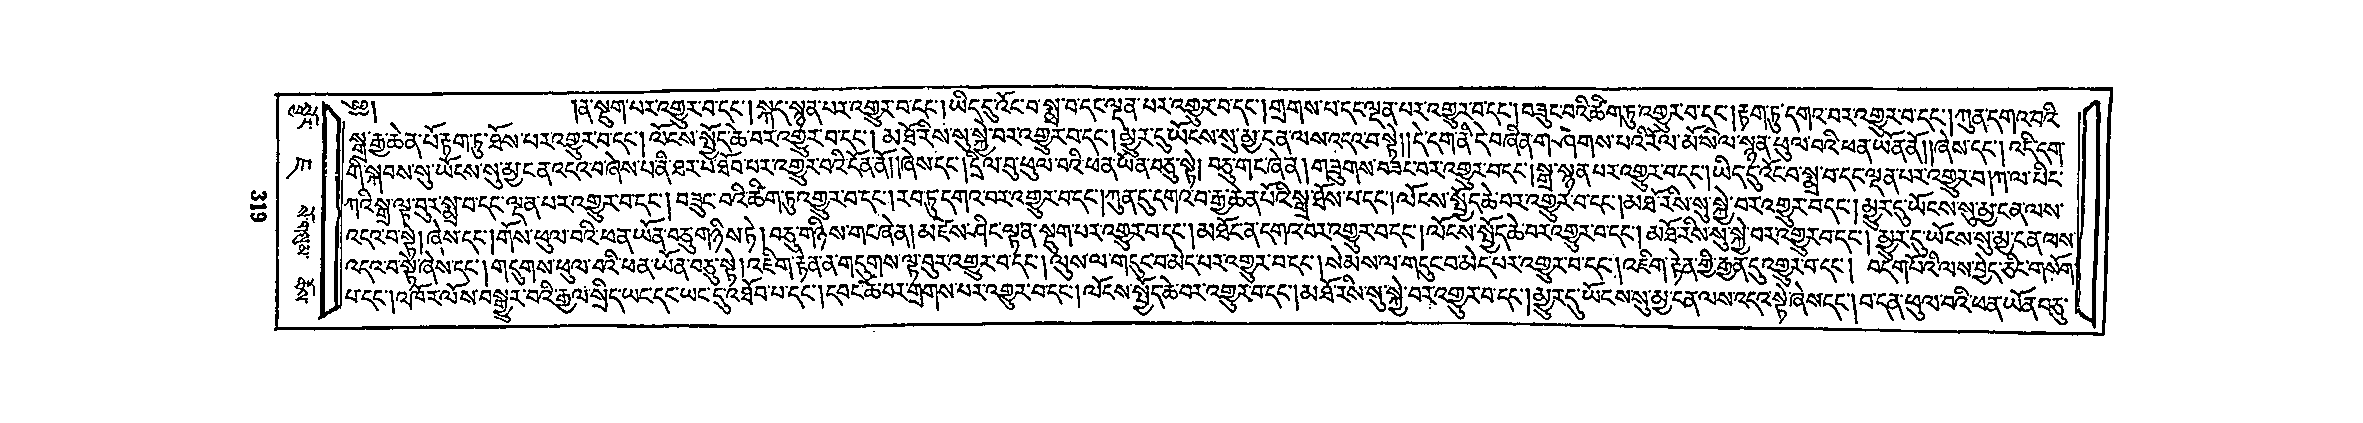༄༅། །ན་སྡུག་པར་འགྱུར་བ་དང་། སྐད་སྙན་པར་འགྱུར་བ་དང་། ཡིད་དུ་འོང་བ་སྨྲ་བ་དང་ལྡན་པར་འགྱུར་བ་དང་། གྲགས་པ་དང་ལྡན་པར་འགྱུར་བ་དང་། བཟུང་བའི་ཚིག་ཏུ་འགྱུར་བ་དང་། རྟག་ཏུ་དགའ་བར་འགྱུར་བ་དང་། ཀུན་དགའ་བའི་
སྒྲ་རྒྱ་ཆེན་པོ་རྟག་ཏུ་ཐོས་པར་འགྱུར་བ་དང་། ལོངས་སྤྱོད་ཆེ་བར་འགྱུར་བ་དང་། མཐོ་རིས་སུ་སྐྱེ་བར་འགྱུར་བ་དང་། མྱུར་དུ་ཡོངས་སུ་མྱ་ངན་ལས་འདའ་བ་སྟེ། །དེ་དག་ནི་དེ་བཞིན་གཤེགས་པའི་རོལ་མོ་སིལ་སྙན་ཕུལ་བའི་ཕན་ཡོན་ནོ། །ཞེས་དང་། འདི་དག་
གི་སྐབས་སུ་ཡོངས་སུ་མྱ་ངན་འདའ་བ་ཞེས་པ་ནི་ཐར་པ་ཐོབ་པར་འགྱུར་བའི་དོན་ནོ། །ཞེས་དང་། དྲིལ་བུ་ཕུལ་བའི་ཕན་ཡོན་བཅུ་སྟེ། བཅུ་གང་ཞེ་ན། གཟུགས་བཟང་བར་འགྱུར་བ་དང་། སྒྲ་སྙན་པར་འགྱུར་བ་དང་། ཡིད་དུ་འོང་བ་སྨྲ་བ་དང་ལྡན་པར་འགྱུར་བ། ཀ་ལ་པིང་
ཀའི་སྒྲ་ལྟ་བུར་སྨྲ་བ་དང་ལྡན་པར་འགྱུར་བ་དང་། བཟུང་བའི་ཚིག་ཏུ་འགྱུར་བ་དང་། རབ་ཏུ་དགའ་བར་འགྱུར་བ་དང་། ཀུན་དུ་དགའ་བ་རྒྱ་ཆེན་པོའི་སྒྲ་ཐོས་པ་དང་། ལོངས་སྤྱོད་ཆེ་བར་འགྱུར་བ་དང་། མཐོ་རིས་སུ་སྐྱེ་བར་འགྱུར་བ་དང་། མྱུར་དུ་ཡོངས་སུ་མྱ་ངན་ལས་
འདའ་བ་སྟེ། ཞེས་དང་། གོས་ཕུལ་བའི་ཕན་ཡོན་བཅུ་གཉིས་ཏེ། བཅུ་གཉིས་གང་ཞེ་ན། མཛེས་ཤིང་ལྟ་ན་སྡུག་པར་འགྱུར་བ་དང་། མཐོང་ན་དགའ་བར་འགྱུར་བ་དང་། ལོངས་སྤྱོད་ཆེ་བར་འགྱུར་བ་དང་། མཐོ་རིས་སུ་སྐྱེ་བར་འགྱུར་བ་དང་། མྱུར་དུ་ཡོངས་སུ་མྱ་ངན་ལས་
འདའ་བ་སྟེ་ཞེས་དང་། གདུགས་ཕུལ་བའི་ཕན་ཡོན་བཅུ་སྟེ། འཇིག་རྟེན་ན་གདུགས་ལྟ་བུར་འགྱུར་བ་དང་། ལུས་ལ་གདུང་བ་མེད་པར་འགྱུར་བ་དང་། སེམས་ལ་གདུང་བ་མེད་པར་འགྱུར་བ་དང་། འཇིག་རྟེན་གྱི་རྒྱན་དུ་འགྱུར་བ་དང་། བདག་པོའི་ལས་བྱེད་ཅིང་གསོག་
པ་དང་། འཁོར་ལོས་བསྒྱུར་བའི་རྒྱལ་སྲིད་ཡང་དང་ཡང་དུ་འཐོབ་པ་དང་། དབང་ཆེ་བར་གྲགས་པར་འགྱུར་བ་དང་། ལོངས་སྤྱོད་ཆེ་བར་འགྱུར་བ་དང་། མཐོ་རིས་སུ་སྐྱེ་བར་འགྱུར་བ་དང་། མྱུར་དུ་ཡོངས་སུ་མྱ་ངན་ལས་འདའ་སྟེ་ཞེས་དང་། བ་དན་ཕུལ་བའི་ཕན་ཡོན་བཅུ་